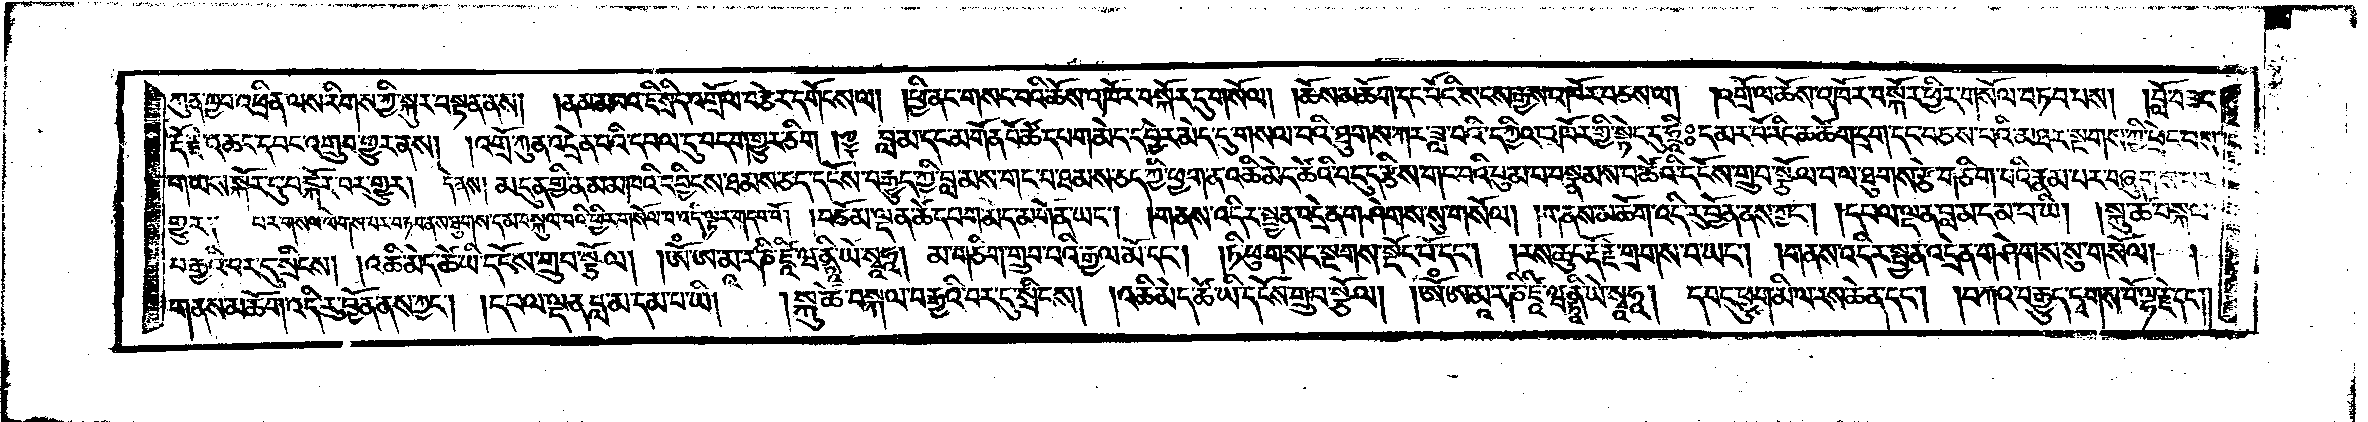ཀུན་ཁྱབ་འཕྲིན་ལས་རིགས་ཀྱི་སྐུར་བསྟན་ནས། །ནམ་མཁའ་ཇི་སྲིད་འགྲོལ་བརྩེར་དགོངས་ལ། །ཕྱི་ནང་གསང་བའི་ཆོས་འཁོར་བསྐོར་དུ་གསོལ། །ཆོས་མཆོག་དང་པོའི་སངས་རྒྱས་འཁོར་བཅས་ལ། །འགྲོ་ལ་ཆོས་འཁོར་བསྐོར་ཕྱིར་གསོལ་བཏབ་པས། །བློ་བཟང་
རྡོ་རྗེ་འཆང་དབང་འགྲུབ་གྱུར་ནས། །འགྲོ་ཀུན་འདྲེན་པའི་དཔལ་དུ་བདག་གྱུར་ཅིག །༈ བླ་མ་དང་མགོན་པོ་ཚེ་དཔག་མེད་དབྱེར་མེད་དུ་གསལ་བའི་ཐུགས་ཀར་ཟླ་བའི་དཀྱིལ་འཁོར་གྱི་སྟེང་དུ་ཧྲཱིཿདམར་པོ་རིང་ཆ་ཆོག་དྲག་དང་བཅས་པའི་མཐར་སྔགས་ཀྱི་ཕྲེང་བས་
གཡས་སྐོར་དུ་བསྐོར་བར་གྱུར། དེ་ནས།  མདུན་གྱི་ནམ་མཁའི་དབྱིངས་ཐམས་ཅད་དངོས་བརྒྱུད་ཀྱི་བླ་མས་གང་པ་ཐམས་ཅད་ཀྱི་ཕྱག་ན་འཆི་མེད་ཚེའི་བདུད་རྩིས་གང་བའི་བུམ་པ་བསྣམས་པ་ཚེའི་དངོས་གྲུབ་སྩོལ་བ་ལ་ཐུགས་རྩེ་གཅིག་པའི་རྣམ་པར་བཞུགས་པར་
གྱུར༑ པར་གསལ་ལེགས་པར་བརྟབ་ནས་ཐུགས་དམ་བསྐུལ་བའི་ཕྱིར་གསོལ་བ་འདི་ལྟར་གདབ་བོ།  །བཅོམ་ལྡན་ཚེ་དཔག་མེད་མགོན་ཡང་། །གནས་འདིར་སྤྱན་འདྲེན་གཤེགས་སུ་གསོལ། །གནས་མཆོག་འདིར་བྱོན་ནས་ཀྱང་། །དཔལ་ལྡན་བླ་མ་དམ་པ་ཡི། །སྐུ་ཚེ་བསྐལ་
བརྒྱའི་བར་དུ་སྲིངས། །འཆི་མེད་ཚེ་ཡི་དངོས་གྲུབ་སྩོལ། །ཨོཾ་ཨ་མཱ་ར་ཎི་ཛཱི་ཝ་ནྟཱི་ཡེ་སྭཱཧཱ། མ་གཅིག་གྲུབ་པའི་རྒྱལ་མོ་དང་། །ཏི་ཕུ་གསང་སྔགས་སྡོང་པོ་དང་། །རས་ཆུང་རྡོ་རྗེ་གྲགས་པ་ཡང་། །གནས་འདིར་སྤྱན་འདྲེན་གཤེགས་སུ་གསོལ། །
གནས་མཆོག་འདི་རུ་བྱོན་ནས་ཀྱང་། །དཔལ་ལྡན་བླ་མ་དམ་པ་ཡི། །སྐུ་ཚེ་བསྐལ་བརྒྱའི་བར་དུ་སྲིངས། །འཆི་མེད་ཚེ་ཡི་དངོས་གྲུབ་སྩོལ། །ཨོཾ་ཨ་མཱ་ར་ཎི་ཛཱི་ཝ་ནྟཱི་ཡེ་སྭཱཧཱ། དབང་ཕྱུག་མི་ལ་རས་ཆེན་དང་། །བཀའ་བརྒྱུད་དྭགས་བོ་ལྷ་རྗེ་དང།།